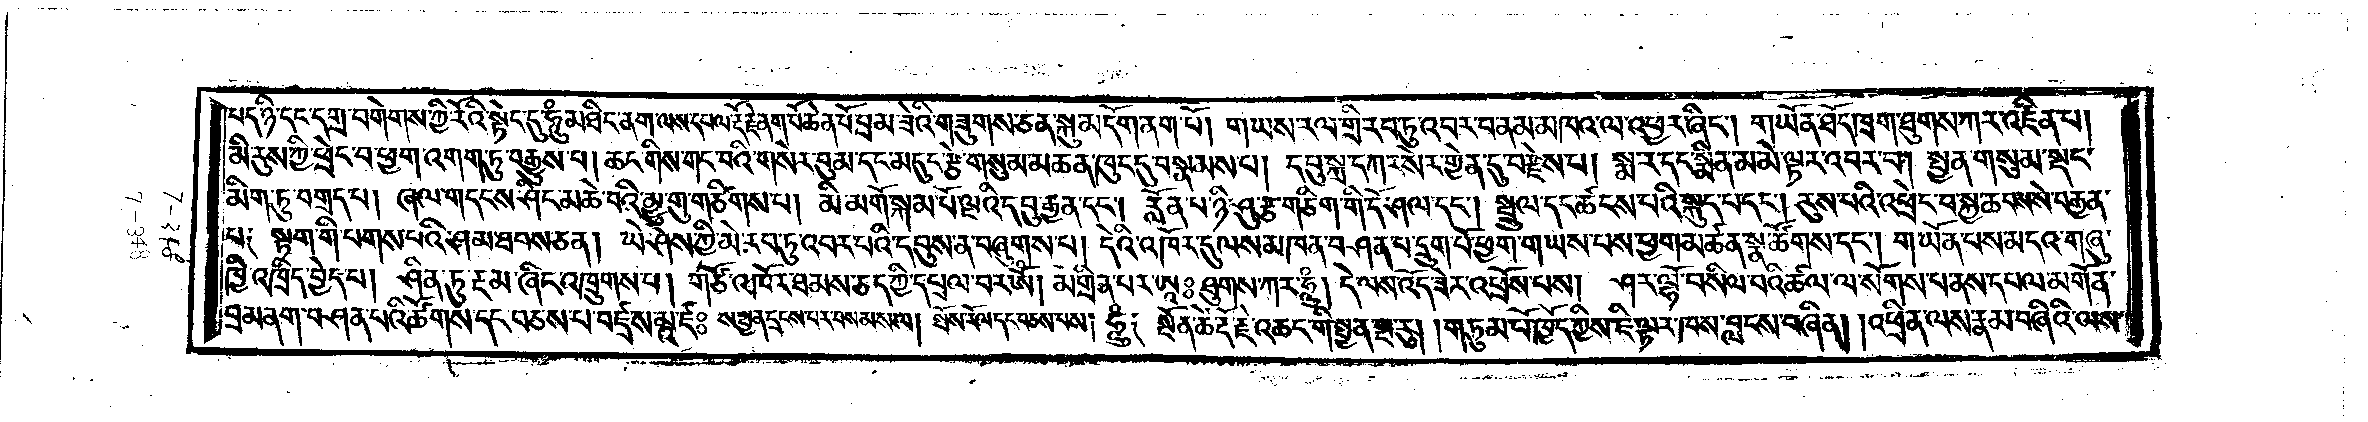པད་ཉི་དང་དགྲ་བགེགས་ཀྱི་རོའི་སྟེང་དུ་ཧཱུཾ་མཐིང་ནག་ལས་དཔལ་རྡོ་རྗེ་ནག་པོ་ཆེན་པོ་བྲམ་ཟེའི་གཟུགས་ཅན་སྐུ་མདོག་ནག་པོ། གཡས་རལ་གྲི་རབ་ཏུ་འབར་བ་ནམ་མཁའ་ལ་འཕྱར་ཞིང་། གཡོན་ཐོད་ཁྲག་ཐུགས་ཀར་འཛིན་པ།
མི་རུས་ཀྱི་ཕྲེང་བ་ཕྱག་འགག་ཏུ་བརྒྱུས་པ། ཆང་གིས་གང་པའི་གསེར་བུམ་དང་མདུང་རྩེ་གསུམ་མཆན་ཁུང་དུ་བསྣམས་པ། དབུ་སྐྲ་དཀར་སེར་གྱེན་དུ་བརྫེས་པ། སྨ་ར་དང་སྨིན་མ་མེ་ལྟར་འབར་བ། སྤྱན་གསུམ་སྡང་
མིག་ཏུ་བགྲད་པ། ཞལ་གདངས་ཤིང་མཆེ་བའི་མྱུ་གུ་གཙིགས་པ། མི་མགོ་སྐམ་པོ་ལྔའི་དབུ་རྒྱན་དང་། རློན་པ་ཉི་ཤུ་རྩ་གཅིག་གི་དོ་ཤལ་དང་། སྤྲུལ་དང་ཚངས་པའི་སྐུད་པ་དང་། རུས་པའི་འཕྲེང་བ་སྐྱ་ཆབས་སེ་བརྒྱན་
པ༑ སྟག་གི་པགས་པའི་ཤམ་ཐབས་ཅན། ཡེ་ཤེས་ཀྱི་མེ་རབ་ཏུ་འབར་པའི་དབུས་ན་བཞུགས་པ། དེའི་འཁོར་དུ་ལས་མཁན་བཤན་པ་དྲུག་པོ་ཕྱག་གཡས་པས་ཕྱག་མཚན་སྣ་ཚོགས་དང་། གཡོན་པས་མདའ་གཞུ་
ཁྱི་འཁྲིད་བྱེད་པ། ཤིན་ཏུ་རྔམ་ཞིང་འཁྲུགས་པ། གཙོ་འཁོར་ཐམས་ཅད་ཀྱི་དཔྲལ་བར་ཨོཾ། མགྲིན་པར་ཨཱཿ ཐུགས་ཀར་ཧཱུཾ། དེ་ལས་འོད་ཟེར་འཕྲོས་པས། ཤར་ལྷོ་བསིལ་བའི་ཚལ་ལ་སོགས་པ་ནས་དཔལ་མགོན་
བྲམ་ནག་བཤན་པའི་ཚོགས་དང་བཅས་པ་བྫྲ་ས་མཱ་ཛཿ ས་སྦྱན་དྲངས་པར་བསམས་ལ། སྦོས་རོལ་དེང་བཅས་པས།  ཧཱུཾ༑ སྔོན་ཆེ་རྡོ་རྗེ་འཆང་གི་སྤྱན་སྔར་རུ། །གཏུམ་པོ་ཁྱོད་ཀྱིས་ཇི་ལྟར་ཁས་བླངས་བཞིན། །འཕྲིན་ལས་རྣམ་བཞིའི་ལས་